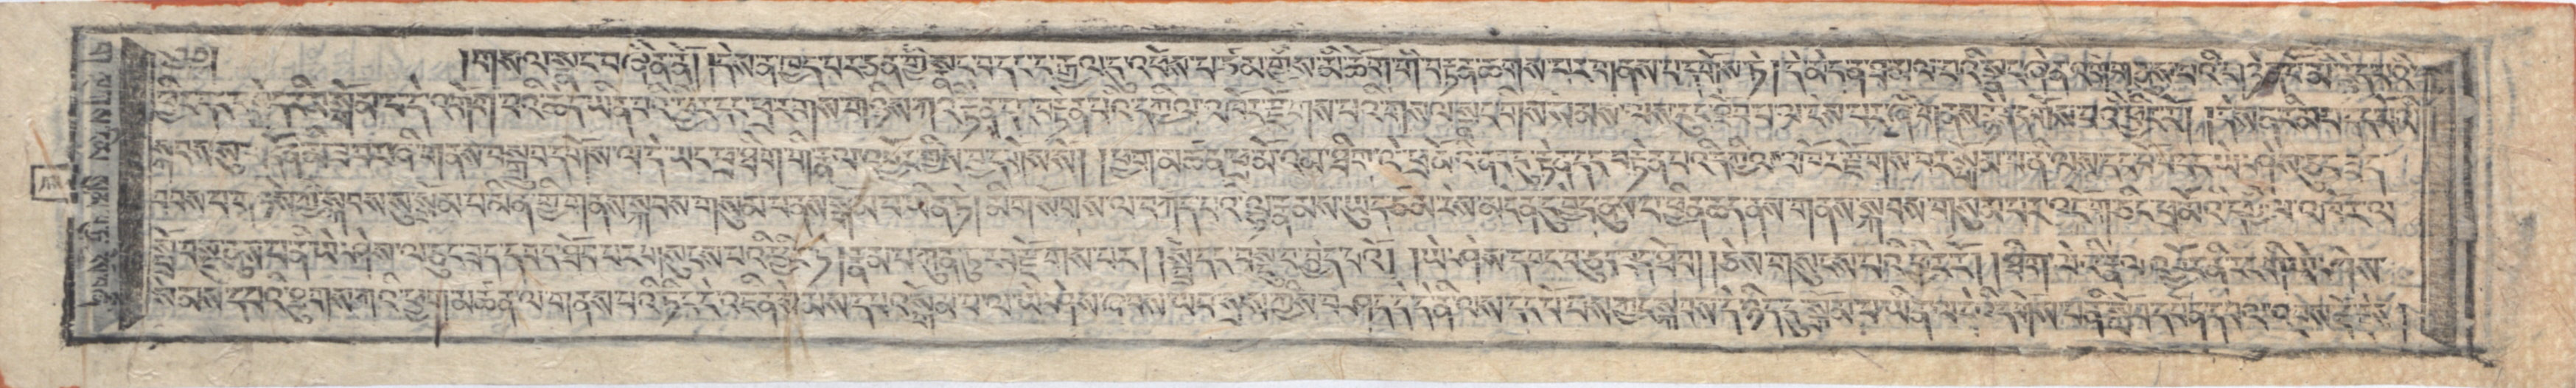༄༅། །གསལ་སྣང་བཞིན་ནོ། །དེས་ན་ཁྱད་པར་ཅན་གྱི་སྣང་བ་དང་ང་རྒྱལ་དུ་འཕོས་པ་ཙམ་གྱིས་མི་ཆོག་གི་བརྟན་ཆགས་པར་གནས་པ་དགོས་ཏེ། དེ་མེད་ན་ཐ་མལ་པའི་སྣང་ཞེན་འགོག་ནུས་པའི་གཉེན་པོ་མི་རྙེད་པའི་
ཕྱིར་དང་བསྐྱེད་རིམ་སྒོམ་པ་དེ་འགོག་པའི་ཆེད་ཡིན་པའི་ཕྱིར་དང་ཕྲ་རགས་གཉིས་ཀའི་རྟེན་དང་བརྟེན་པའི་དཀྱིལ་འཁོར་རྫོགས་པའི་གསལ་སྣང་གིས་སེམས་ལས་རུང་ཐོབ་པ་ལ་ངེས་པར་ཞི་གནས་རྙེད་དགོས་པའི་ཕྱིར་རོ། །དེས་ན་རིམ་པ་དང་པོའི་སྐབས་སུ་གདོན་མི་ཟ་བར་ཞི་གནས་བསྒྲུབ་དགོས་ལ་དེ་ཡང་ཕྲ་ཐིག་གི་རྣལ་འབྱོར་གྱིས་བྱ་དགོས་སོ། །ཕྱག་མཚན་ཕྲ་མོ་འམ་ཐིག་ལེ་ཕྲ་མོའི་ནང་དུ་རྟེན་དང་བརྟེན་པའི་དཀྱིལ་འཁོར་རྫོགས་པར་སྒོམ་པ་ནི་ལས་དང་པོ་པ་དང་ཡེ་ཤེས་ཅུང་ཟད་
བབས་པ་གཉིས་ཀྱི་སྐབས་སུ་སྒོམ་པ་མིན་གྱི་གནས་སྐབས་གསུམ་པ་ནས་སྒོམ་པ་ཡིན་ཏེ། མིག་སོགས་ལ་བཀོད་པའི་ལྷ་རྣམས་ཡུད་ཙམ་རེས་མངོན་དུ་བྱེད་ནུས་པ་ཕྱིན་ཆད་ནས་གནས་སྐབས་གསུམ་པར་འཇོག་ཅིང་ཕྲ་མོའི་དཀྱིལ་འཁོར་ལ་
སྤྲོ་བསྡུ་ནུས་པ་ནི་ཡེ་ཤེས་ལ་ཅུང་ཟད་དབང་ཐོབ་པར་གསུངས་པའི་ཕྱིར་ཏེ། རྣམ་པ་ཀུན་ཏུ་རབ་རྫོགས་པར། །སྤྲོ་དང་བསྡུ་བ་བྱེད་པའོ། །ཡེ་ཤེས་དབང་བ་ཅུང་ཟད་ཐོབ། །ཅེས་གསུངས་པའི་ཕྱིར་རོ། །ཐིག་ལེའི་རྣལ་འབྱོར་ནི་རང་གི་ཡེ་ཤེས་
སེམས་དཔའི་ཐུགས་ཀའི་ཕྱག་མཚན་ལ་གནས་པའི་ཏིང་ངེ་འཛིན་སེམས་དཔའ་སྒོམ་པ་ལ་ཡེ་ཤེས་ཞབས་ཡབ་སྲས་ཀྱིས་བཤད་དེ་དེ་ནི་ལས་དང་པོ་བས་ཀྱང་སྐབས་དེ་ཉིད་དུ་སྒོམ་པ་ཡིན་ལ་དེའི་དགོས་པ་ནི་སློབ་དཔོན་དཔལ་འབྲས་རྡོ་རྗེས།